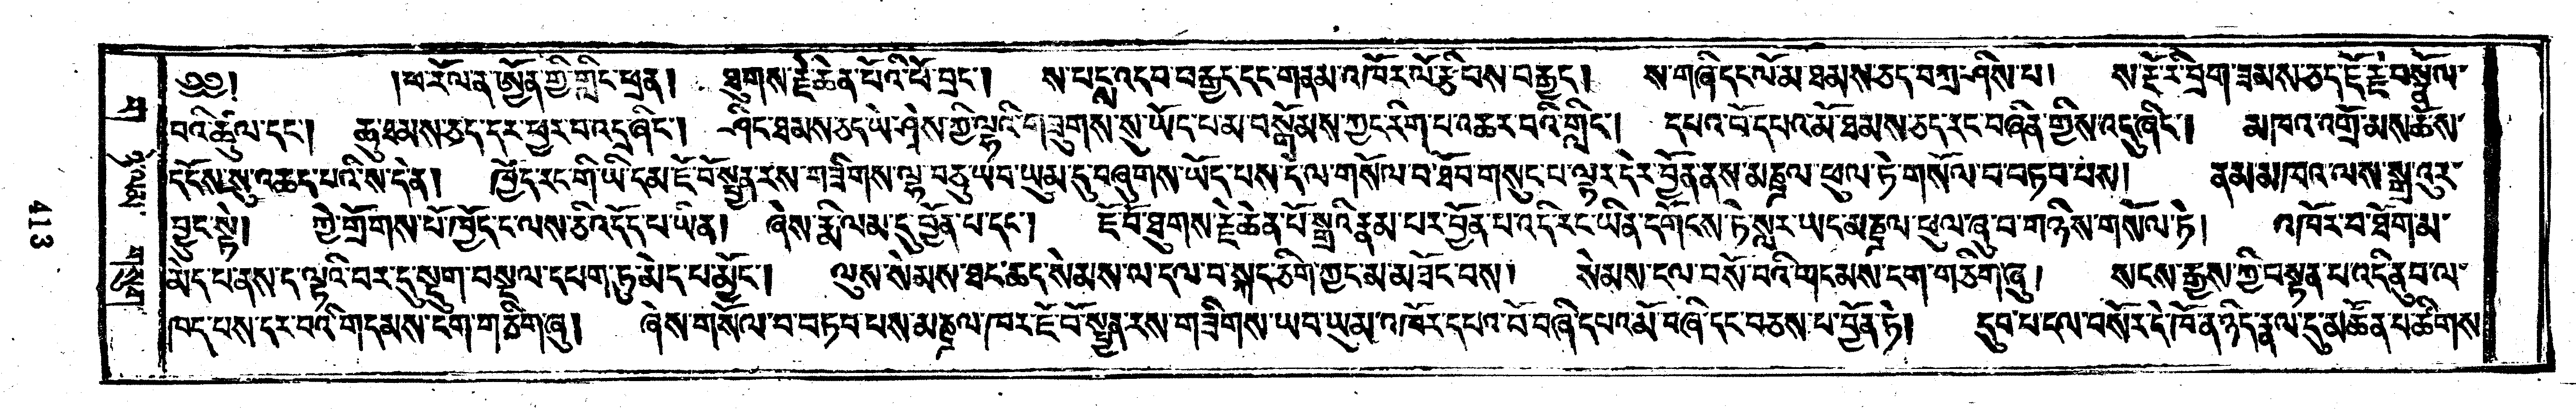༄༅། །ཕ་རོལ་ན་ཨཡོན་གྱི་གླིང་ཕྲན། ཐུགས་རྗེ་ཆེན་པོའི་ཕོ་བྲང་། ས་པདམ་འདབ་བརྒྱད་དང་གནམ་འཁོར་ལོ་རྩིབས་བརྒྱད། ས་གཞི་དང་ལོ་མ་ཐམས་ཅད་བཀྲ་ཤིས་པ། ས་རྡོ་རི་བྲག་ཟམས་ཅད་རྡོ་རྗེ་བསྣོལ་
བའི་ཚུལ་དང་། ཆུ་ཐམས་ཅད་དར་ཕྱར་བ་འདྲ་ཞིང་། ཤིང་ཐམས་ཅད་ཡེ་ཤེས་ཀྱི་ལྷའི་གཟུགས་སུ་ཡོད་པ་མ་བསྒོམས་ཀྱང་རིག་པ་འཆར་བའི་གླིང་། དཔའ་བོ་དཔའ་མོ་ཐམས་ཅད་རང་བཞིན་གྱིས་འདུ་ཞིང་། མཁའ་འགྲོ་མས་ཆོས་
དངོས་སུ་འཆད་པའི་ས་དེ་ན། ཁྱོད་རང་གི་ཡི་དམ་ཇོ་བོ་སྤྱན་རས་གཟིགས་ལྷ་བཅུ་ཡབ་ཡུམ་དུ་བཞུགས་ཡོད་པས་དེ་ལ་གསོལ་བ་ཐོབ་གསུང་པ་ལྟར་དེར་བྱོན་ནས་མཎྜལ་ཕུལ་ཏེ་གསོལ་བ་བཏབ་པས། ནམ་མཁའ་ལས་སྒྲ་འུར་
བྱུང་སྟེ། ཀྱེ་གྲོགས་པོ་ཁྱོད་ང་ལས་ཅི་འདོད་པ་ཡིན། ཞེས་རྨི་ལམ་དུ་བྱོན་པ་དང་། ཇོ་བོ་ཐུགས་རྗེ་ཆེན་པོ་སྒྲའི་རྣམ་པར་བྱོན་པ་འདི་རང་ཡིན་དགོངས་ཏེ་སླར་ཡང་མཎྜལ་ཕུལ་ཞུ་བ་གཉིས་གསོལ་ཏེ། འཁོར་བ་ཐོག་མ་
མེད་པ་ནས་ད་ལྟའི་བར་དུ་སྡུག་བསྔལ་དཔག་ཏུ་མེད་པ་མྱོང་། ལུས་སེམས་ཐང་ཆད་སེམས་ལ་དལ་བ་སྐད་ཅིག་ཀྱང་མ་མཐོང་བས། སེམས་ངལ་བསོ་བའི་གདམས་ངག་གཅིག་ཞུ། སངས་རྒྱས་ཀྱི་བསྟན་པ་འདི་ནུབ་ལ་
ཁད་པས་དར་བའི་གདམས་ངག་གཅིག་ཞུ། ཞེས་གསོལ་བ་བཏབ་པས་མཎྜལ་ཁར་ཇོ་བོ་སྤྱན་རས་གཟིགས་ཡབ་ཡུམ་འཁོར་དཔའ་བོ་བཞི་དཔའ་མོ་བཞི་དང་བཅས་པ་བྱོན་ཏེ། དུབ་པ་དལ་བསོར་དེ་ཁོ་ན་ཉིད་རྣལ་དུ་མཚོན་པ་ཚིགས་